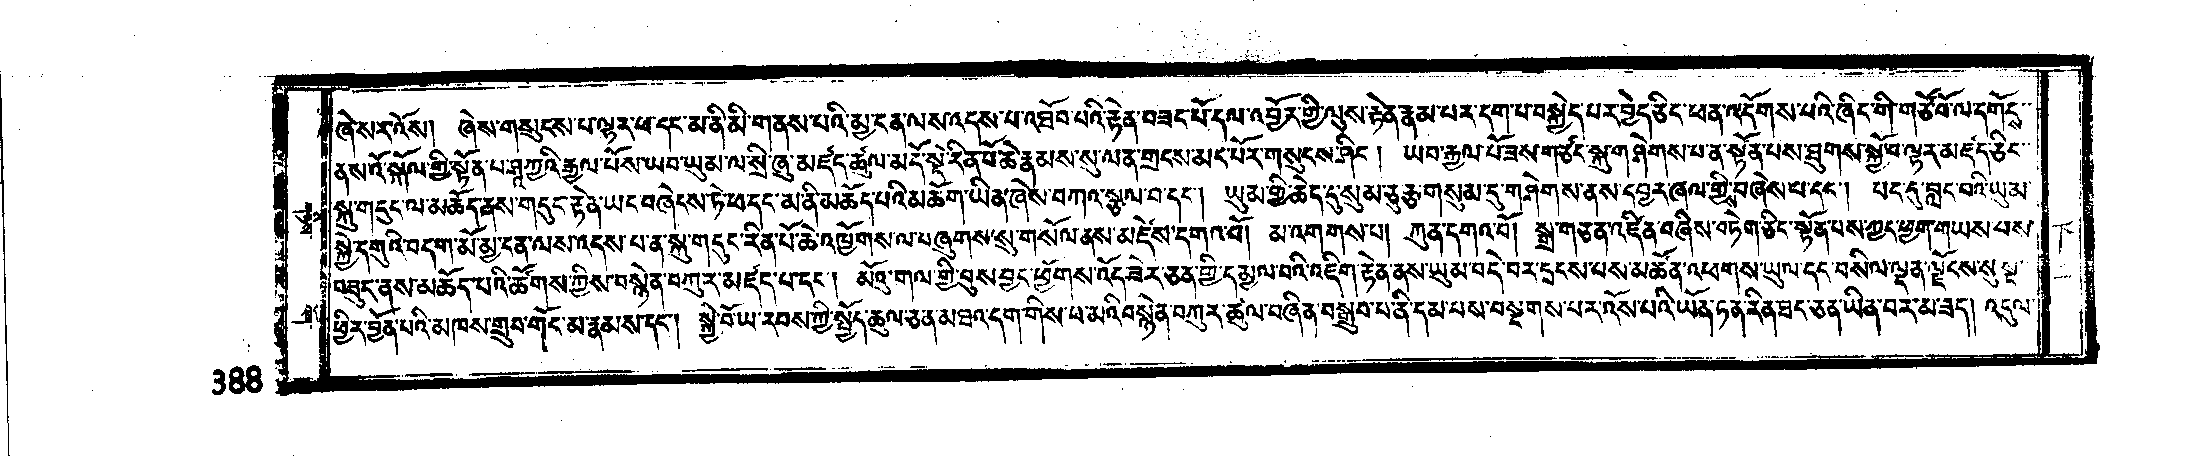ཞེས་སར་འོས། ཞེས་གསུངས་པ་ལྟར་ཕ་དང་མ་ནི་མི་གནས་པའི་མྱ་ངན་ལས་འདས་པ་འཐོབ་པའི་རྟེན་བཟང་པོ་དལ་འབྱོར་གྱི་ལུས་རྟེན་རྣམ་པར་དག་པ་བསྐྱེད་པར་བྱེད་ཅིང་ཕན་འདོགས་པའི་ཞིང་གི་གཙོ་བོ་ལ་དགོངས་
ནས་འོ་སྐོལ་གྱི་སྟོན་པ་ཤཱཀྱའི་རྒྱལ་པོས་ཡབ་ཡུམ་ལ་སྲི་ཞུ་མཛད་ཚུལ་མདོ་སྡེ་རིན་པོ་ཆེ་རྣམས་སུ་ལན་གྲངས་མང་པོར་གསུངས་ཤིང་། ཡབ་རྒྱལ་པོ་ཟས་གཙང་སྐུ་གཤེགས་པ་ན་སྟོན་པས་ཐུགས་སྐྱོ་བ་ལྟར་མཛད་ཅིང་
སྐུ་གདུང་ལ་མཆོད་ནས་གདུང་རྟེན་ཡང་བཞེངས་ཏེ་ཕ་དང་མ་ནི་མཆོད་པའི་མཆོག་ཡིན་ཞེས་བཀའ་སྩལ་བ་དང་། ཡུམ་གྱི་ཆེད་དུ་སུམ་ཅུ་རྩ་གསུམ་དུ་གཤེགས་ནས་དབྱར་ཞལ་གྱིས་བཞེས་པ་དང་། པང་དུ་བླང་བའི་ཡུམ་
སྐྱེ་དགུའི་བདག་མོ་མྱ་ངན་ལས་འདས་པ་ན་སྐུ་གདུང་རིན་པོ་ཆེ་འཁྱོགས་ལ་བཞུགས་སུ་གསོལ་ནས་མཛེས་དགའ་བོ། མ་འགགས་པ། ཀུན་དགའ་བོ། སྒྲ་གཅན་འཛིན་བཞིས་བཏེག་ཅིང་སྟོན་པས་ཀྱང་ཕྱག་གཡས་པས་
བཟུང་ནས་མཆོད་པའི་ཚོགས་ཀྱིས་བསྙེན་བཀུར་མཛད་པ་དང་། མོའུ་གལ་གྱི་བུས་བྱང་ཕྱོགས་འོད་ཟེར་ཅན་གྱི་དམྱལ་བའི་འཇིག་རྟེན་ནས་ཡུམ་བདེ་བར་དྲངས་པས་མཚོན་འཕགས་ཡུལ་དང་བསིལ་ལྡན་ལྗོངས་སུ་སྔ་
ཕྱིར་བྱོན་པའི་མཁས་གྲུབ་གོང་མ་རྣམས་དང་། སྐྱེ་བོ་ཡ་རབས་ཀྱི་སྤྱོད་ཚུལ་ཅན་མཐའ་དག་གིས་ཕ་མའི་བསྙེན་བཀུར་ཚུལ་བཞིན་བསྒྲུབ་པ་ནི་དམ་པས་བསྔགས་པར་འོས་པའི་ཡོན་ཏན་རིན་ཐང་ཅན་ཡིན་བར་མ་ཟད། འདུལ་